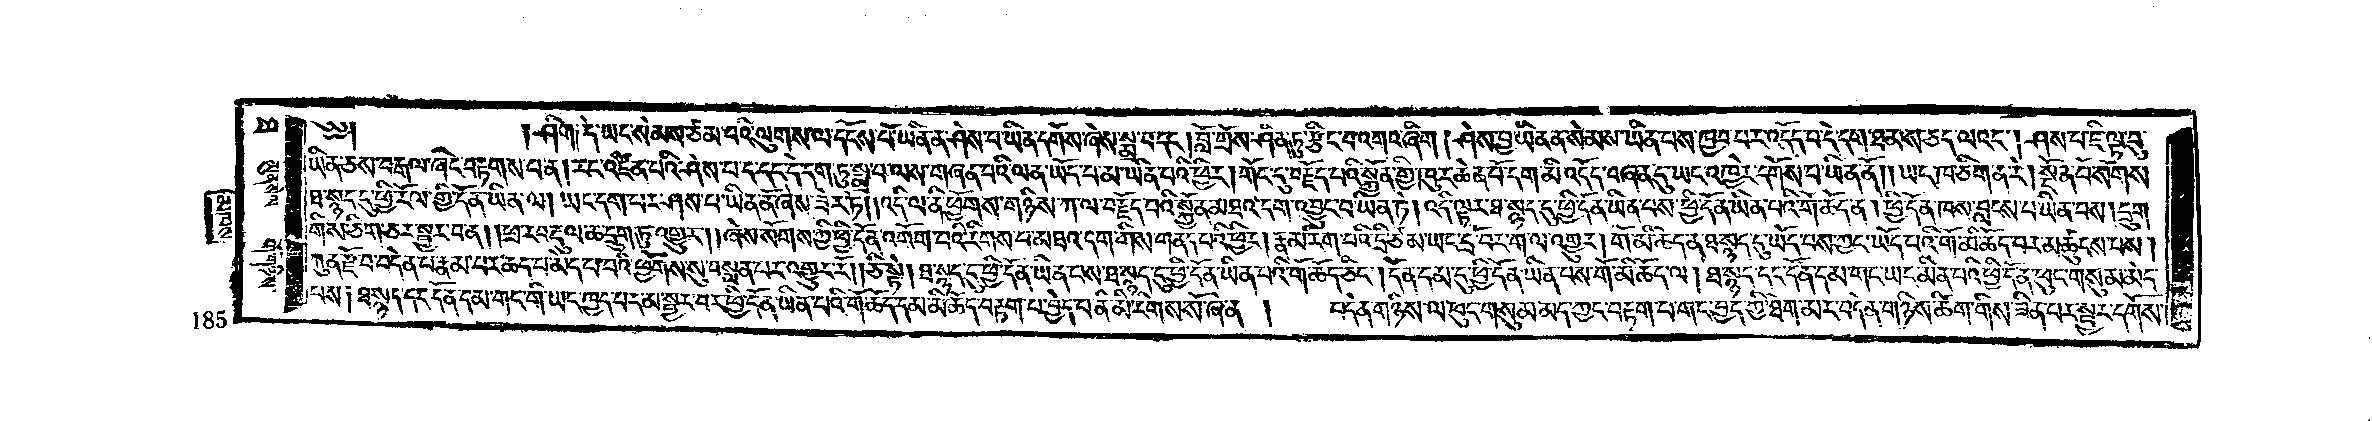༄༅། །ཤིག །དེ་ཡང་སེམས་ཙམ་པའི་ལུགས་ལ་དངོས་པོ་ཡིན་ན་ཤེས་པ་ཡིན་དགོས་ཞེས་སྨྲ་བ་དང་། བློ་གྲོས་ཤིན་ཏུ་རྩིང་བ་འགའ་ཞིག །ཤེས་བྱ་ཡིན་ན་སེམས་ཡིན་པས་ཁྱབ་པར་འདོད་པ་དེ་དག་ཐམས་ཅད་ལའང་། ཤེས་པ་ཇི་ལྟ་བུ་
ཡིན་ཅེས་བརྒལ་ཞིང་བརྟགས་པ་ན། རང་འཛིན་པའི་ཤེས་པ་དེ་དང་དེ་དག་ཏུ་སྨྲ་བ་ལས་གཞན་པའི་ལན་ཡོད་པ་མ་ཡིན་པའི་ཕྱིར། གོང་དུ་བརྗོད་པའི་སྐྱོན་གྱི་ཁུར་ཆེན་པོ་དག་མི་འདོད་བཞིན་དུ་ཡང་འཁྱེར་དགོས་པ་ཡིན་ནོ། །ཡང་ཁ་ཅིག་ན་རེ། སྔོན་པོ་སོགས་
ཐ་སྙད་དུ་ཕྱི་རོལ་གྱི་དོན་ཡིན་ལ། ཡང་དག་པར་ཤེས་པ་ཡིན་ནོ་ཞེས་ཟེར་ཏོ། །འདི་ལ་ནི་ཕྱོགས་གཉིས་ཀ་ལ་བརྗོད་པའི་སྐྱོན་མཐའ་དག་འབྱུང་བ་ཡིན་ཏེ། འདི་ལྟར་ཐ་སྙད་དུ་ཕྱི་དོན་ཡིན་པས་ཕྱི་དོན་ཡིན་པའི་གོ་ཆོད་ན། ཕྱི་དོན་ཁས་བླངས་པ་ཡིན་པས། དྲུག་
གིས་ཅིག་ཅར་སྦྱར་བ་ན། །ཕྲ་རབ་རྡུལ་ཆ་དྲུག་ཏུ་འགྱུར། །ཞེས་སོགས་ཀྱི་ཕྱི་དོན་འགོག་པའི་རིགས་པ་མཐའ་དག་གིས་གནོད་པའི་ཕྱིར། རྣམ་རིག་པའི་དྲི་ཙམ་ཡང་དྲི་བར་ག་ལ་འགྱུར། གོ་མི་ཆེད་ན་ཐ་སྙད་དུ་ཡོད་པས་ཀྱང་ཡོད་པའི་གོ་མི་ཆོད་པར་མཚུངས་པས།
ཀུན་རྫོབ་བདེན་པ་རྣམ་པར་ཆད་པ་མེད་པ་བའི་ཕྱོགས་སུ་བསླན་པར་འགྱུར་རོ། །ཅི་སྟེ། ཐ་སྙད་དུ་ཕྱི་དོན་ཡིན་པས་ཐ་སྙད་དུ་ཕྱི་དོན་ཡིན་པའི་གོ་ཆོད་ཅིང་། དོན་དམ་དུ་ཕྱི་དོན་ཡིན་པས་གོ་མི་ཆོད་ལ། ཐ་སྙད་དང་དོན་དམ་གང་ཡང་མིན་པའི་ཕྱི་དོན་ཕུང་གསུམ་མེད་
པས༑ ཐ་སྙད་དང་དོན་དམ་གང་གི་ཡང་ཁྱད་པར་མ་སྦྱར་བར་ཕྱི་དོན་ཡིན་པའི་གོ་ཆོད་དམ་མི་ཆོད་བརྟག་པ་བྱེད་པ་ནི་མི་རིགས་སོ་ཞེ་ན་། བདེན་གཉིས་ལ་ཕུང་གསུམ་མེད་ཀྱང་བརྟག་པ་གང་བྱེད་ཀྱི་ཐོག་མར་བདེན་གཉིས་ཚིག་གིས་ཟིན་པར་སྦྱར་དགོས་